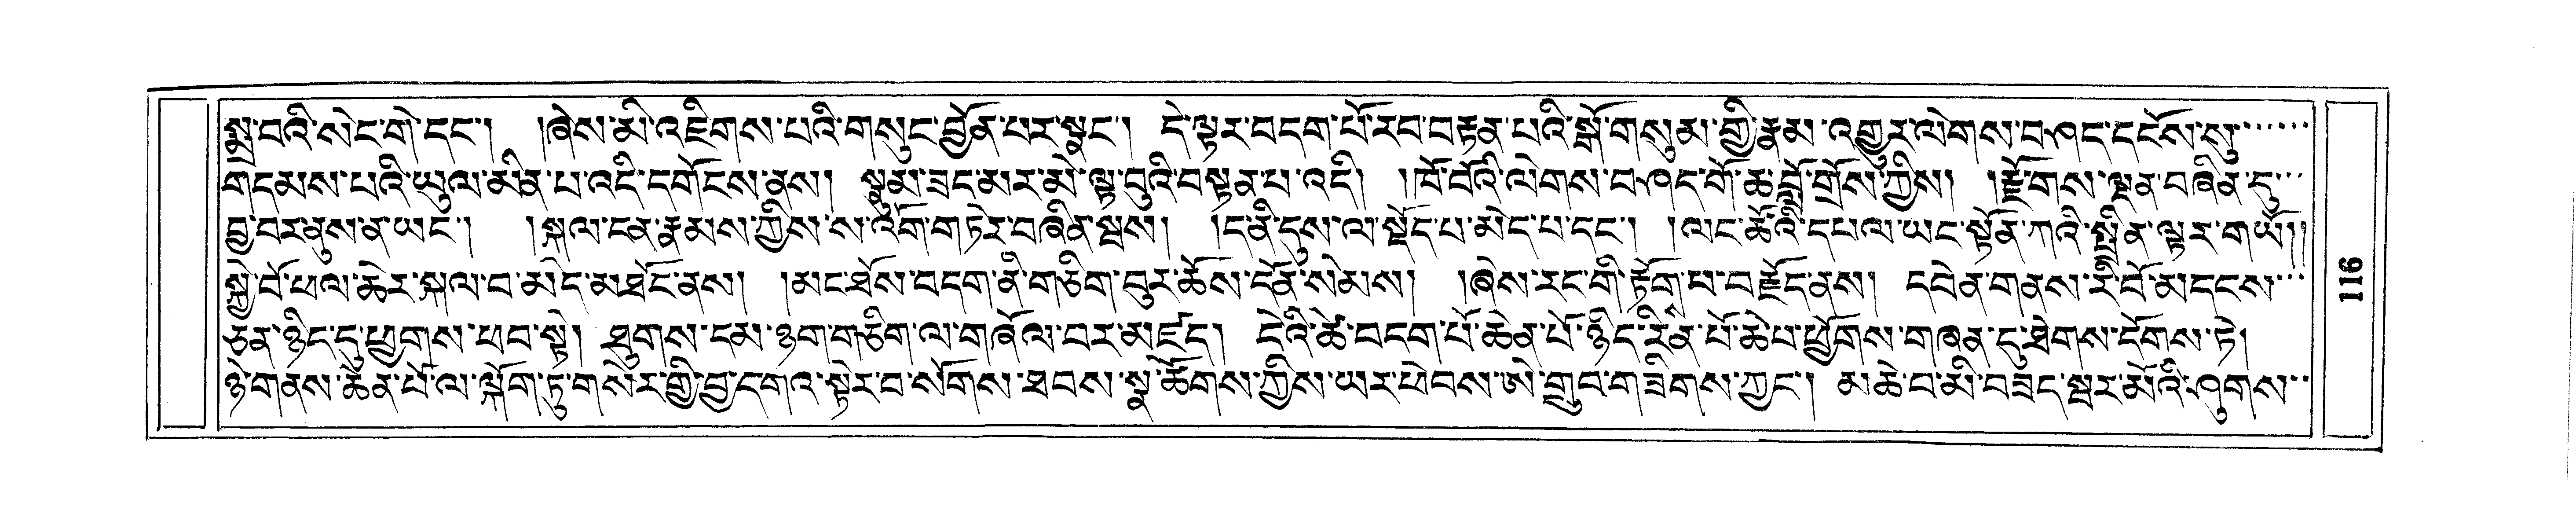སྨྲ་བའི་སེང་གེ་དང་། །ཞེས་མི་འཇིགས་པའི་གསུང་བྱོན་པར་སྣང་། དེ་ལྟར་བདག་པོ་རབ་བརྟན་པའི་སྒོ་གསུམ་གྱི་རྣམ་འགྱུར་ལེགས་བཤད་དངོས་སུ་
གདམས་པའི་ཡུལ་མིན་པ་འདི་དགོངས་ནས། སྣུམ་ཟད་མར་མེ་ལྟ་བུའི་བསྟན་པ་འདི། །ཁོ་བོའི་ལེགས་བཤད་གོ་ཆ་བློ་གྲོས་ཀྱིས། །རྫོགས་ལྡན་བཞིན་དུ་
བྱ་བར་ནུས་ན་ཡང་། །སྐལ་ངན་རྣམས་ཀྱིས་ས་འོག་གཏེར་བཞིན་སྦས། །ད་ནི་དུས་ལ་སྡོད་པ་མེད་པ་དང་། །ལང་ཚོའི་དཔལ་ཡང་སྟོན་ཀའི་སྤྲིན་ལྟར་གཡོ།།
སྐྱེ་བོ་ཕལ་ཆེར་སྐལ་བ་མེད་མཐོང་ནས། །མང་ཐོས་བདག་ནི་གཅིག་བུར་ཆོས་དོན་སེམས། །ཞེས་རང་གི་རྟོག་པ་བརྗོད་ནས། དབེན་གནས་རི་བོ་མདངས་
ཅན་ཉིད་དུ་ཕྱགས་ཕབ་སྟེ། ཐུགས་དམ་ཉག་གཅིག་ལ་གཞོལ་བར་མཛད། དེའི་ཚེ་བདག་པོ་ཆེན་པོ་ཉིད་རིན་པོ་ཆེ་བ་ཕྱོགས་གཞན་དུ་ཐེགས་དགོས་ཏེ།
ཉེ་གནས་ཆེན་པོ་ལ་ལྐོག་ཏུ་གསེར་གྱི་བྱ་དགའ་སྟེར་བ་སོགས་ཐབས་སྣ་ཚོགས་ཀྱིས་ཡར་ཕེབས་ཨེ་གྲུབ་གཟིགས་ཀྱང་། མཆེ་བ་མི་བཟད་སྦར་མོའི་ཤུགས་